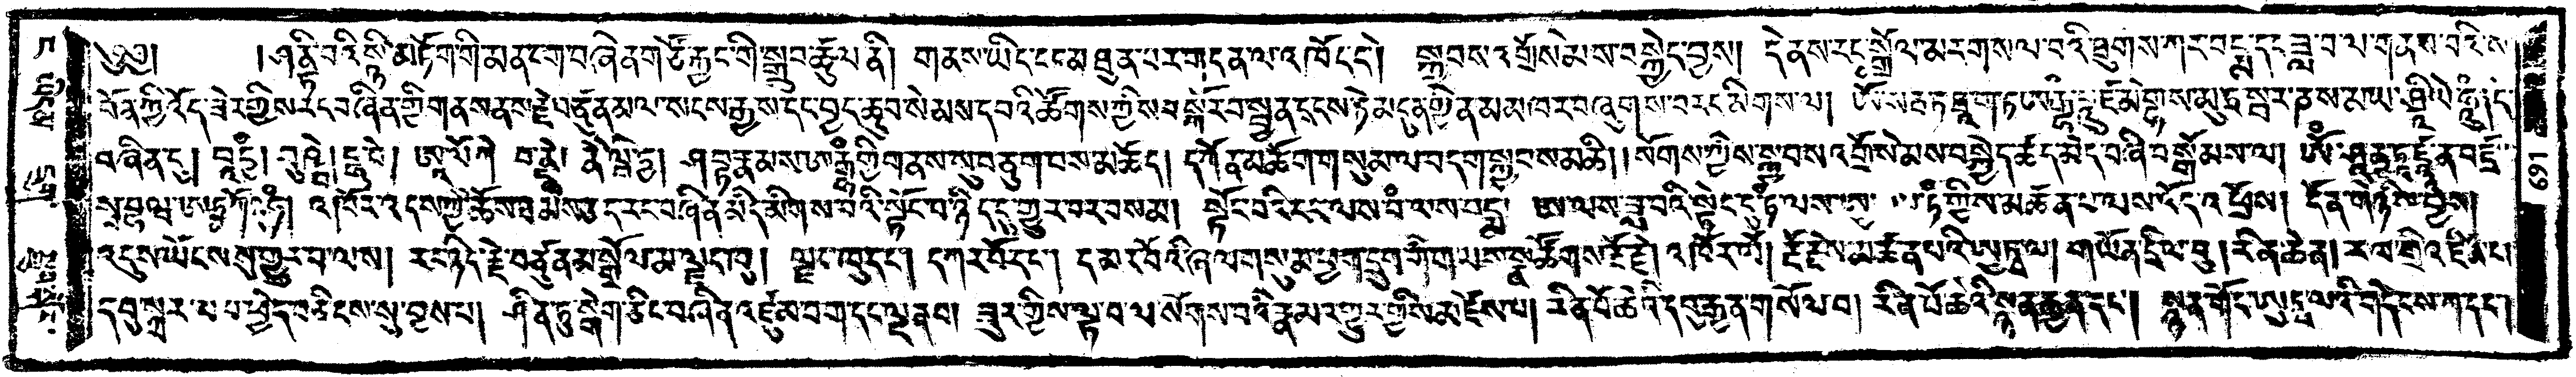༄༅། །ཤནྟི་བའི་སྙི་མྟོག་གི་མན་ངག་བཞིན་གཙོ་རྐྱང་གི་སྒྲུབ་ཚུལ་ནི། གནས་ཡིད་དང་མཐུན་པར་གདན་ལ་འཁོད་དེ། སྐྱབས་འགྲོ་སེམས་བསྐྱེད་བྱས། དེ་ནས་རང་སྒྲོལ་མར་གསལ་བའི་ཐུགས་ཀར་པདམ་དང་ཟླ་བ་ལ་གནས་བའི་ས་
བོན་ཀྱི་འོད་ཟེར་གྱིས་རང་བཞིན་གྱི་གནས་ནས་རྗེ་བཙུན་མལ་སངས་རྒྱས་དང་བྱང་ཆུབ་སེམས་དཔའི་ཚོགས་ཀྱིས་བསྐོར་བ་སྦྱན་དྲངས་ཏེ་མདུན་གྱི་ནམ་མཁར་བཞུགས་བར་དམིགས་ལ། ཨོཾ་སརྦ་ཏ་ཐཱ་ག་ཏས་ཨིརྒྷ་པཱུ་ཇོ་མེ་གྷས་མུ་ཏྲ་སྦར་ཎས་མ་ཡ་ཤྲཱི་ཡེ་ཧཱུཾ། དེ་
བཞིན་དུ། བཱ་དྱཾ། བུཥྦེ། དྷུ་བེ། ཨཱ་ལོ་ཀེ་བ་ནྡྙེ། ནཻ་ཝི་དྱ། ཤ་བཏ་རྣམས་ཨ་རྒྷཾ་གྱི་གནས་སུ་བཅུག་པས་མཆོད། དཀོན་མཆོག་གསུམ་ལ་བདག་སྐྱབས་མཆི། །སོགས་ཀྱིས་སྐྱབས་འགྲོ་སེམས་བསྐྱེད་ཚད་མེད་བཞི་བསྒོམས་ལ། ཨོཾ་ཤཱནྟ་ཏཱ་རྫྙ་ན་བརྫྲ་
སྭ་བྷཝལ་ཨཏྨ་ཀོ་འདྲཾ། འཁོར་འདས་ཀྱི་ཆོས་ཐམས་ཅད་རང་བཞིན་མིད་མིགས་བའི་སྟོང་བ་ཉིད་དུ་གྱུར་བར་བསམ། སྟོང་བའི་དང་ལས་བཾ་ལས་པདམ། ཨ་ལས་ཟླ་པའི་སྟེང་དུ་ཏཾ་ལས་ཨུཏླ་ཏཾ་གྱིས་མཆོན་བ་ལས་འོད་འཕྲོས། དོན་གཉིས་བྱས།
འདུས་ཡོངས་སུ་གྱུར་པ་ལས། རང་ཉིད་རྗེ་བཙུན་མ་སྒྲོལ་མ་ལྗང་ཁུ། ལྗང་ཁུ་དང་། དཀར་བོ་དང་། དམར་བོའི་ཞལ་གསུམ་ཕྱག་དྲུག་གི་གཡས་སྣ་ཚོགས་རྡོ་རྗེ། འཁོར་ལོ། རྔོ་རྗེས་མཚན་བའི་ཨུཏྤླ། གཡོན་དྲིལ་བུ། རིན་ཆེན། རལ་གྲི་འཛིན་པ་
དབུ་སྐྲར་ལབ་ཕྱེད་བཅིངས་སུ་བྱས་པ། ཤིན་ཏུ་སྒེག་ཅིང་བཞིན་འཛུམ་བག་དང་ལྡན་བ། ཟུར་གྱིས་ལྷ་བ་ལ་སོགས་བའི་རྣམ་འགྱུར་གྱིས་མཛེས་བ། རིན་བོ་ཆེའི་དབུ་རྒྱན་གསོལ་བ། རིན་པོ་ཆེའི་སྙན་རྒྱན་དང་། སྙན་གོང་ཨུཏྤླ་ལའི་གདེངས་ཀ་དང་།